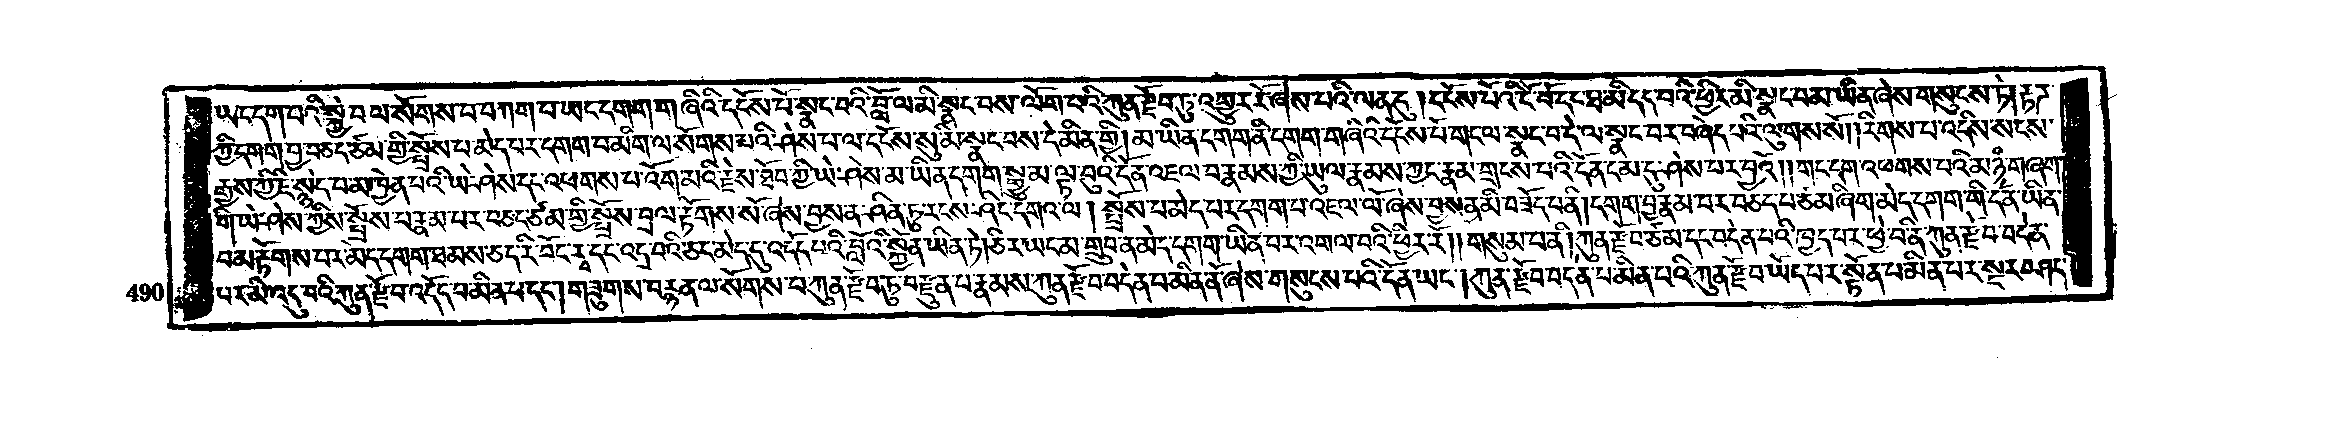ཡང་དག་པའི་སྐྱེ་བ་ལ་སོགས་པ་བཀག་པ་ཡང་དགག་གཞིའི་དངོས་པོ་སྣང་བའི་བློ་ལ་མི་སྣང་བས་ལོག་པའི་ཀུན་རྫོབ་ཏུ་འགྱུར་རོ་ཞེས་པའི་ལན་དུ། དངོས་པོའི་ངོ་བོ་དང་ཐ་མི་དད་པའི་ཕྱིར་མི་སྣང་བ་མ་ཡིན་ཞེས་གསུངས་ཏེ། རྟཌ་
ཀྱི་དགག་བྱ་བཅད་ཙམ་གྱི་སྤྲོས་པ་མེད་པར་དགག་པ་མིག་ལ་སོགས་པའི་ཤེས་པ་ལ་དངོས་སུ་མི་སྣང་བས་དེ་མིན་གྱི། མ་ཡིན་དགག་ནི་དགག་གཞིའི་དངོས་པོ་གང་ལ་སྣང་བ་དེ་ལ་སྣང་བར་བཞེད་པའི་ལུགས་སོ། །རིགས་པ་འདིས་སངས་
རྒྱས་ཀྱི་ཇི་སྙེད་པ་མཁྱེན་པའི་ཡེ་ཤེས་དང་འཕགས་པ་འོག་མའི་རྗེས་ཐོབ་ཀྱི་ཡེ་ཤེས་མ་ཡིན་དགག་སྒྱུ་མ་ལྟ་བུའི་དོན་འཇལ་བ་རྣམས་ཀྱི་ཡུལ་རྣམས་ཀྱང་རྣམས་གྲངས་པའི་དོན་དམ་དུ་ཤེས་པར་བྱའོ། །གང་དག་འཕགས་པའི་མཉཾ་གཞག་
གི་ཡེ་ཤེས་ཀྱིས་སྤྲོས་པ་རྣམ་པར་བཅད་ཙམ་གྱི་སྤྲོས་བྲལ་རྟོགས་སོ་ཞེས་བྱས་ན་ཤིན་ཏུ་རངས་ཤིང་དགའ་ལ། སྤྲོས་པ་མེད་པར་དགག་པ་འཇལ་ལོ་ཞེས་བྱས་ན་མི་བཟོད་པ་ནི། དགག་བྱ་རྣམ་པར་བཅད་པ་ཙམ་ཞིག་མེད་དགག་གི་དོན་ཡིན་
བ་མ་རྟོགས་པར་མེད་དགག་ཐམས་ཅད་རི་བོང་རྭ་དང་འདྲ་བའི་ཅང་མེད་དུ་འདོད་པའི་བློའི་སྐྱོན་ཡིན་ཏེ། ཅིར་ཡང་མ་གྲུབ་ན་མེད་དགག་ཡིན་པར་འགལ་བའི་ཕྱིར་རོ། །གསུམ་པ་ནི། ཀུན་རྫོབ་ཙམ་དང་བདེན་པའི་ཁྱད་པར་ཕྱེ་བ་ནི་ཀུན་རྫོབ་བདེན་
པར་མི་འདུ་བའི་ཀུན་རྫོབ་འདོད་པ་མིན་པ་དང་། གཟུགས་བརྙན་ལ་སོགས་པ་ཀུན་རྫོབ་ཏུ་བརྫུན་པ་རྣམས་ཀུན་རྫོབ་བདེན་པ་མིན་ནོ་ཞེས་གསུངས་པའི་དོན་ཡང་། ཀུན་རྫོབ་བདེན་པ་མིན་པའི་ཀུན་རྫོབ་ཡོད་པར་སྟོན་པ་མིན་པར་སྔར་བཤད་